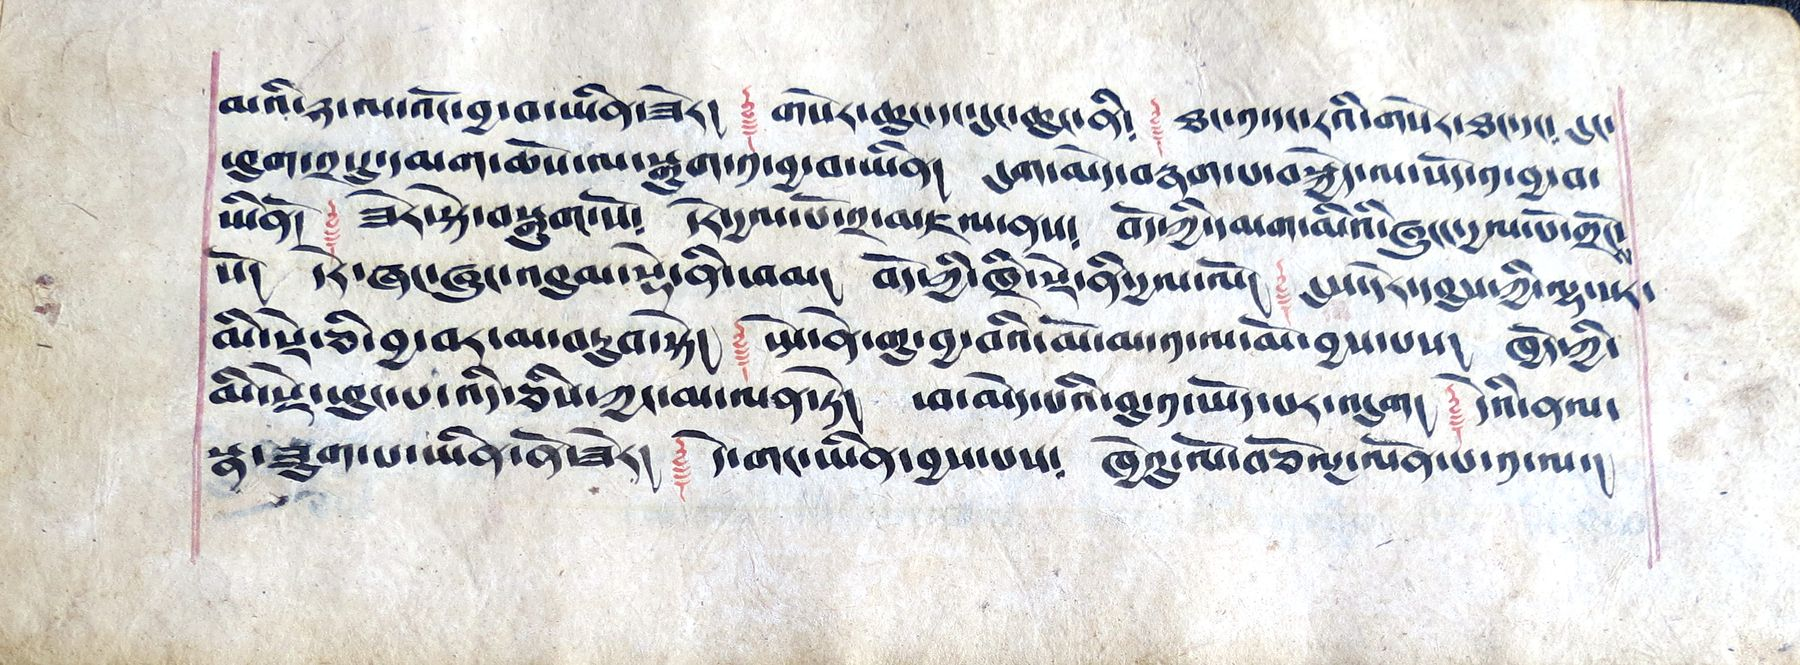མའི་ཉ་ལ་འོང་བྱ་བ་ཡིན། གསེར་ཆུང་དང་དུང་ཆུང་ནི། དྭང་རའི་གསེར་ཕུག་དང་དུང་
ཕུག་གཉིས་སུ་དམག་ཆོས་ལ་སྒུགས་ཤིག་བྱ་བ་ཡིན། དུག་མདེལ་ནི་བརྣག་པ་སྐྱེད་ལ་བསྒུག་ལ་སོད་ཅིག་བྱ་བ་
ཡིན་ཟེར་ཏེ། བསྒུགས་སོ། ། དེར་རྒྱལ་པོ་གཉིས་མཇལ་ནས། བོད་ཀྱི་དམག་མིས་ཞང་ཞུང་གི་རྒྱལ་པོ་བཀྲོངས་
སོ། ། དེར་ཞང་ཞུང་འབུམ་སྡེ་ནི་ཕམ། བོད་ཀྱི་ཁྲི་སྡེ་ནི་རྒྱལ་ལོ། ། དུས་དེ་ཙམ་ན། དབུས་ཀྱི་ལྷ་སར་
མི་སྡེ་ཅི་བྱ་བར་མ་བཏུབ་སྟེ། སྤེ་ནེ་གུ་བྱ་བའི་མོ་མ་ཞིག་ལ་མོ་བཏབ་པས། ཁྱེད་ཀྱི་
མི་སྡེ་ཕུང་པ་འདི་ཅིས་ཀྱང་མ་ལེན་སྟེ། ཕ་མེད་པའི་བུ་ཞིག་ཡོད་པར་འདུག དེའི་ནལ་
སྣ་ཟུག་པ་ཡིན་ཟེར་རོ། ། དེ་གང་ཡིན་བྱས་པས། ཁྱེའུ་ལོ་བཅོ་ལྔ་ལོན་པ་ཞིག་ལ།